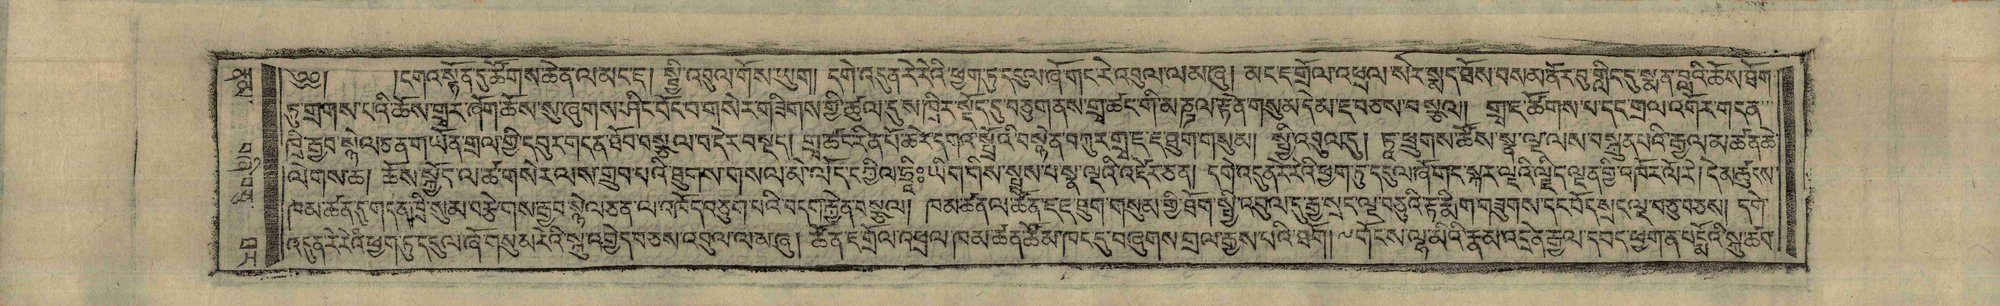༄༅། །དགའ་སྟོན་དུ་ཚོགས་ཆེན་ལ་མང་ཇ། སྤྱི་འབུལ་གོས་ཡུག །དགེ་འདུན་རེ་རེའི་ཕྱག་ཏུ་དངུལ་ཞོ་གང་རེ་འབུལ་ལམ་ཞུ། མང་ཇ་གྲོལ་འཕྲལ་སེར་སྨད་ཐོས་བསམ་ནོར་བུ་གླིང་དུ་སྨན་བླའི་ཆོས་ཐོག་
ཏུ་གྲགས་པའི་ཆོས་གྲྭར་ཞོག་ཆོས་སུ་ཞུགས་ཤིང་བོང་བ་གསེར་གཟིགས་གྱི་ཚུལ་དུས་ཁྲིར་སྡོད་དུ་བཅུག་ནས་གྲྭ་ཚང་གི་མཎྜལ་རྟེན་གསུམ་དེམ་ཇ་བཅས་བསྩལ། གྲྭ་ཇ་ཚོགས་པ་དང་གྲལ་འགོར་གདན་
ཁྲི་རྒྱབ་སྙེལ་ཅན་གཡོན་གྲལ་གྱི་དབུར་གདན་ཐོབ་བསྩལ་བ་དེར་བསྡད། གྲྭ་ཚང་རིན་པོ་ཆེར་དགའ་སྤྲོའི་བསྙེན་བཀུར་གྲྭ་ཇ་ཇ་ཐུག་གསུམ། སྤྱི་འབུལ་དུ། ཏཱ་ཕྲུགས་ཚོས་སྣ་ལྔ་ལས་བསྐྲུན་པའི་རྒྱལ་མཚན་ཆེ་
ལེགས་ཆ། ཆོས་སྐྱོང་ལ་ཚ་གསེར་ལས་གྲུབ་པའི་ཐུགས་གསལ་མེ་ལོང་དཀྱིལ་ཧྲཱིཿ ཡིག་གིས་སྤྲས་པ་སྣ་ལྔའི་འཛེར་ཅན། དགེ་འདུན་རེ་རེའི་ཕྱག་ཏུ་དངུལ་ཞོ་གང་སྐར་ལྔའི་ལྗིད་ལྡན་གྱི་འཁོར་ལོ་རེ། དེ་མཚུངས་
ཁམ་ཚན་དུ་གདན་ཁྲི་སུམ་བརྩེགས་རྒྱབ་སྙེལ་ཅན་ལ་འཁོད་བཅུག་པའི་བདག་རྐྱེན་བསྩལ། ཁམ་ཚན་ལ་ཚོན་ཇ་ཇ་ཐུག་གསུམ་གྱི་ཐོག་སྤྱི་འབུལ་དུ་རྒྱ་སྲང་ལྔ་བཅུའི་རྟ་རྨིག་གཟུགས་དང་བོད་སྲང་ལྔ་བཅུ་བཅས། དགེ་
འདུན་རེ་རེའི་ཕྱག་ཏུ་དངུལ་ཞོ་གསུམ་རེའི་སྐུ་འགྱེད་བཅས་འབུལ་ལམ་ཞུ། ཚོན་ཇ་གྲོལ་འཕྲལ་ཁམ་ཚན་ཚོམ་ཁང་དུ་བཞུགས་གྲལ་རྒྱས་པའི་ཐོག །༧གོང་ས་ལྷ་མིའི་རྣམ་འདྲེན་རྒྱལ་དབང་ཕྱག་ན་པདམོའི་སྐུ་ཚབ་